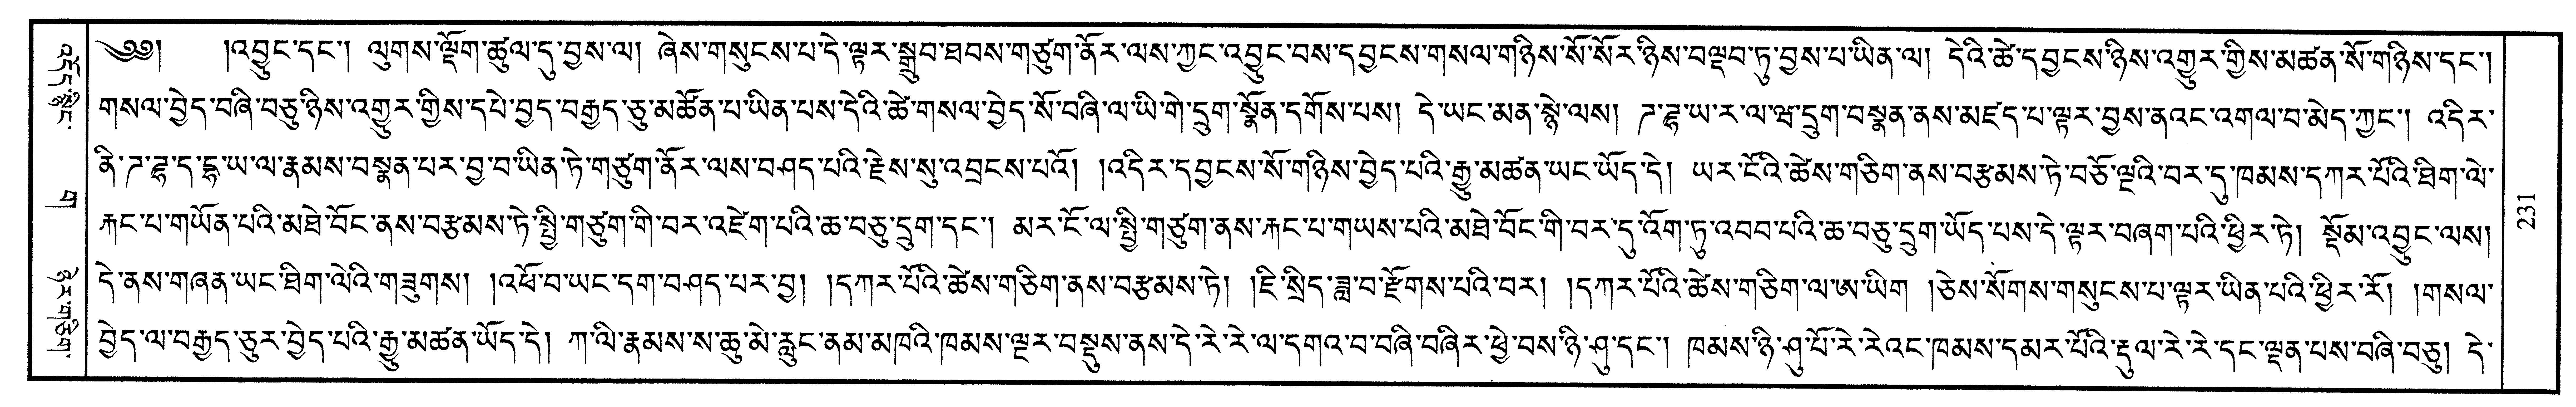༄༅། །འབྱུང་དང་། ལུགས་ལྡོག་ཚུལ་དུ་བྱས་ལ། ཞེས་གསུངས་པ་དེ་ལྟར་སྒྲུབ་ཐབས་གཙུག་ནོར་ལས་ཀྱང་འབྱུང་བས་དབྱངས་གསལ་གཉིས་སོ་སོར་ཉིས་བལྡབ་ཏུ་བྱས་པ་ཡིན་ལ། དེའི་ཚེ་དབྱངས་ཉིས་འགྱུར་གྱིས་མཚན་སོ་གཉིས་དང་།
གསལ་བྱེད་བཞི་བཅུ་ཉིས་འགྱུར་གྱིས་དཔེ་བྱད་བརྒྱད་ཅུ་མཚོན་པ་ཡིན་པས་དེའི་ཚེ་གསལ་བྱེད་སོ་བཞི་ལ་ཡི་གེ་དྲུག་སྣོན་དགོས་པས། དེ་ཡང་མན་སྙེ་ལས། ཌ་ཌྷ་ཡ་ར་ལ་ཝ་དྲུག་བསྣན་ནས་མཛད་པ་ལྟར་བྱས་ནའང་འགལ་བ་མེད་ཀྱང་། འདིར་
ནི་ཌ་ཌྷ་ད་དྷ་ཡ་ལ་རྣམས་བསྣན་པར་བྱ་བ་ཡིན་ཏེ་གཙུག་ནོར་ལས་བཤད་པའི་རྗེས་སུ་འབྲངས་པའོ། །འདིར་དབྱངས་སོ་གཉིས་བྱེད་པའི་རྒྱུ་མཚན་ཡང་ཡོད་དེ། ཡར་ངོའི་ཚེས་གཅིག་ནས་བརྩམས་ཏེ་བཅོ་ལྔའི་བར་དུ་ཁམས་དཀར་པོའི་ཐིག་ལེ་
རྐང་པ་གཡོན་པའི་མཐེ་བོང་ནས་བརྩམས་ཏེ་སྤྱི་གཙུག་གི་བར་འཛེག་པའི་ཆ་བཅུ་དྲུག་དང་། མར་ངོ་ལ་སྤྱི་གཙུག་ནས་རྐང་པ་གཡས་པའི་མཐེ་བོང་གི་བར་དུ་འོག་ཏུ་འབབ་པའི་ཆ་བཅུ་དྲུག་ཡོད་པས་དེ་ལྟར་བཞག་པའི་ཕྱིར་ཏེ། སྡོམ་འབྱུང་ལས།
དེ་ནས་གཞན་ཡང་ཐིག་ལེའི་གཟུགས། །འཕོ་བ་ཡང་དག་བཤད་པར་བྱ། །དཀར་པོའི་ཚེས་གཅིག་ནས་བརྩམས་ཏེ། །ཇི་སྲིད་ཟླ་བ་རྫོགས་པའི་བར། །དཀར་པོའི་ཚེས་གཅིག་ལ་ཨ་ཡིག །ཅེས་སོགས་གསུངས་པ་ལྟར་ཡིན་པའི་ཕྱིར་རོ། །གསལ་
བྱེད་ལ་བརྒྱད་ཅུར་བྱེད་པའི་རྒྱུ་མཚན་ཡོད་དེ། ཀ་ལི་རྣམས་ས་ཆུ་མེ་རླུང་ནམ་མཁའི་ཁམས་ལྔར་བསྡུས་ནས་དེ་རེ་རེ་ལ་དགའ་བ་བཞི་བཞིར་ཕྱེ་བས་ཉི་ཤུ་དང་། ཁམས་ཉི་ཤུ་པོ་རེ་རེའང་ཁམས་དམར་པོའི་རྡུལ་རེ་རེ་དང་ལྡན་པས་བཞི་བཅུ། དེ་